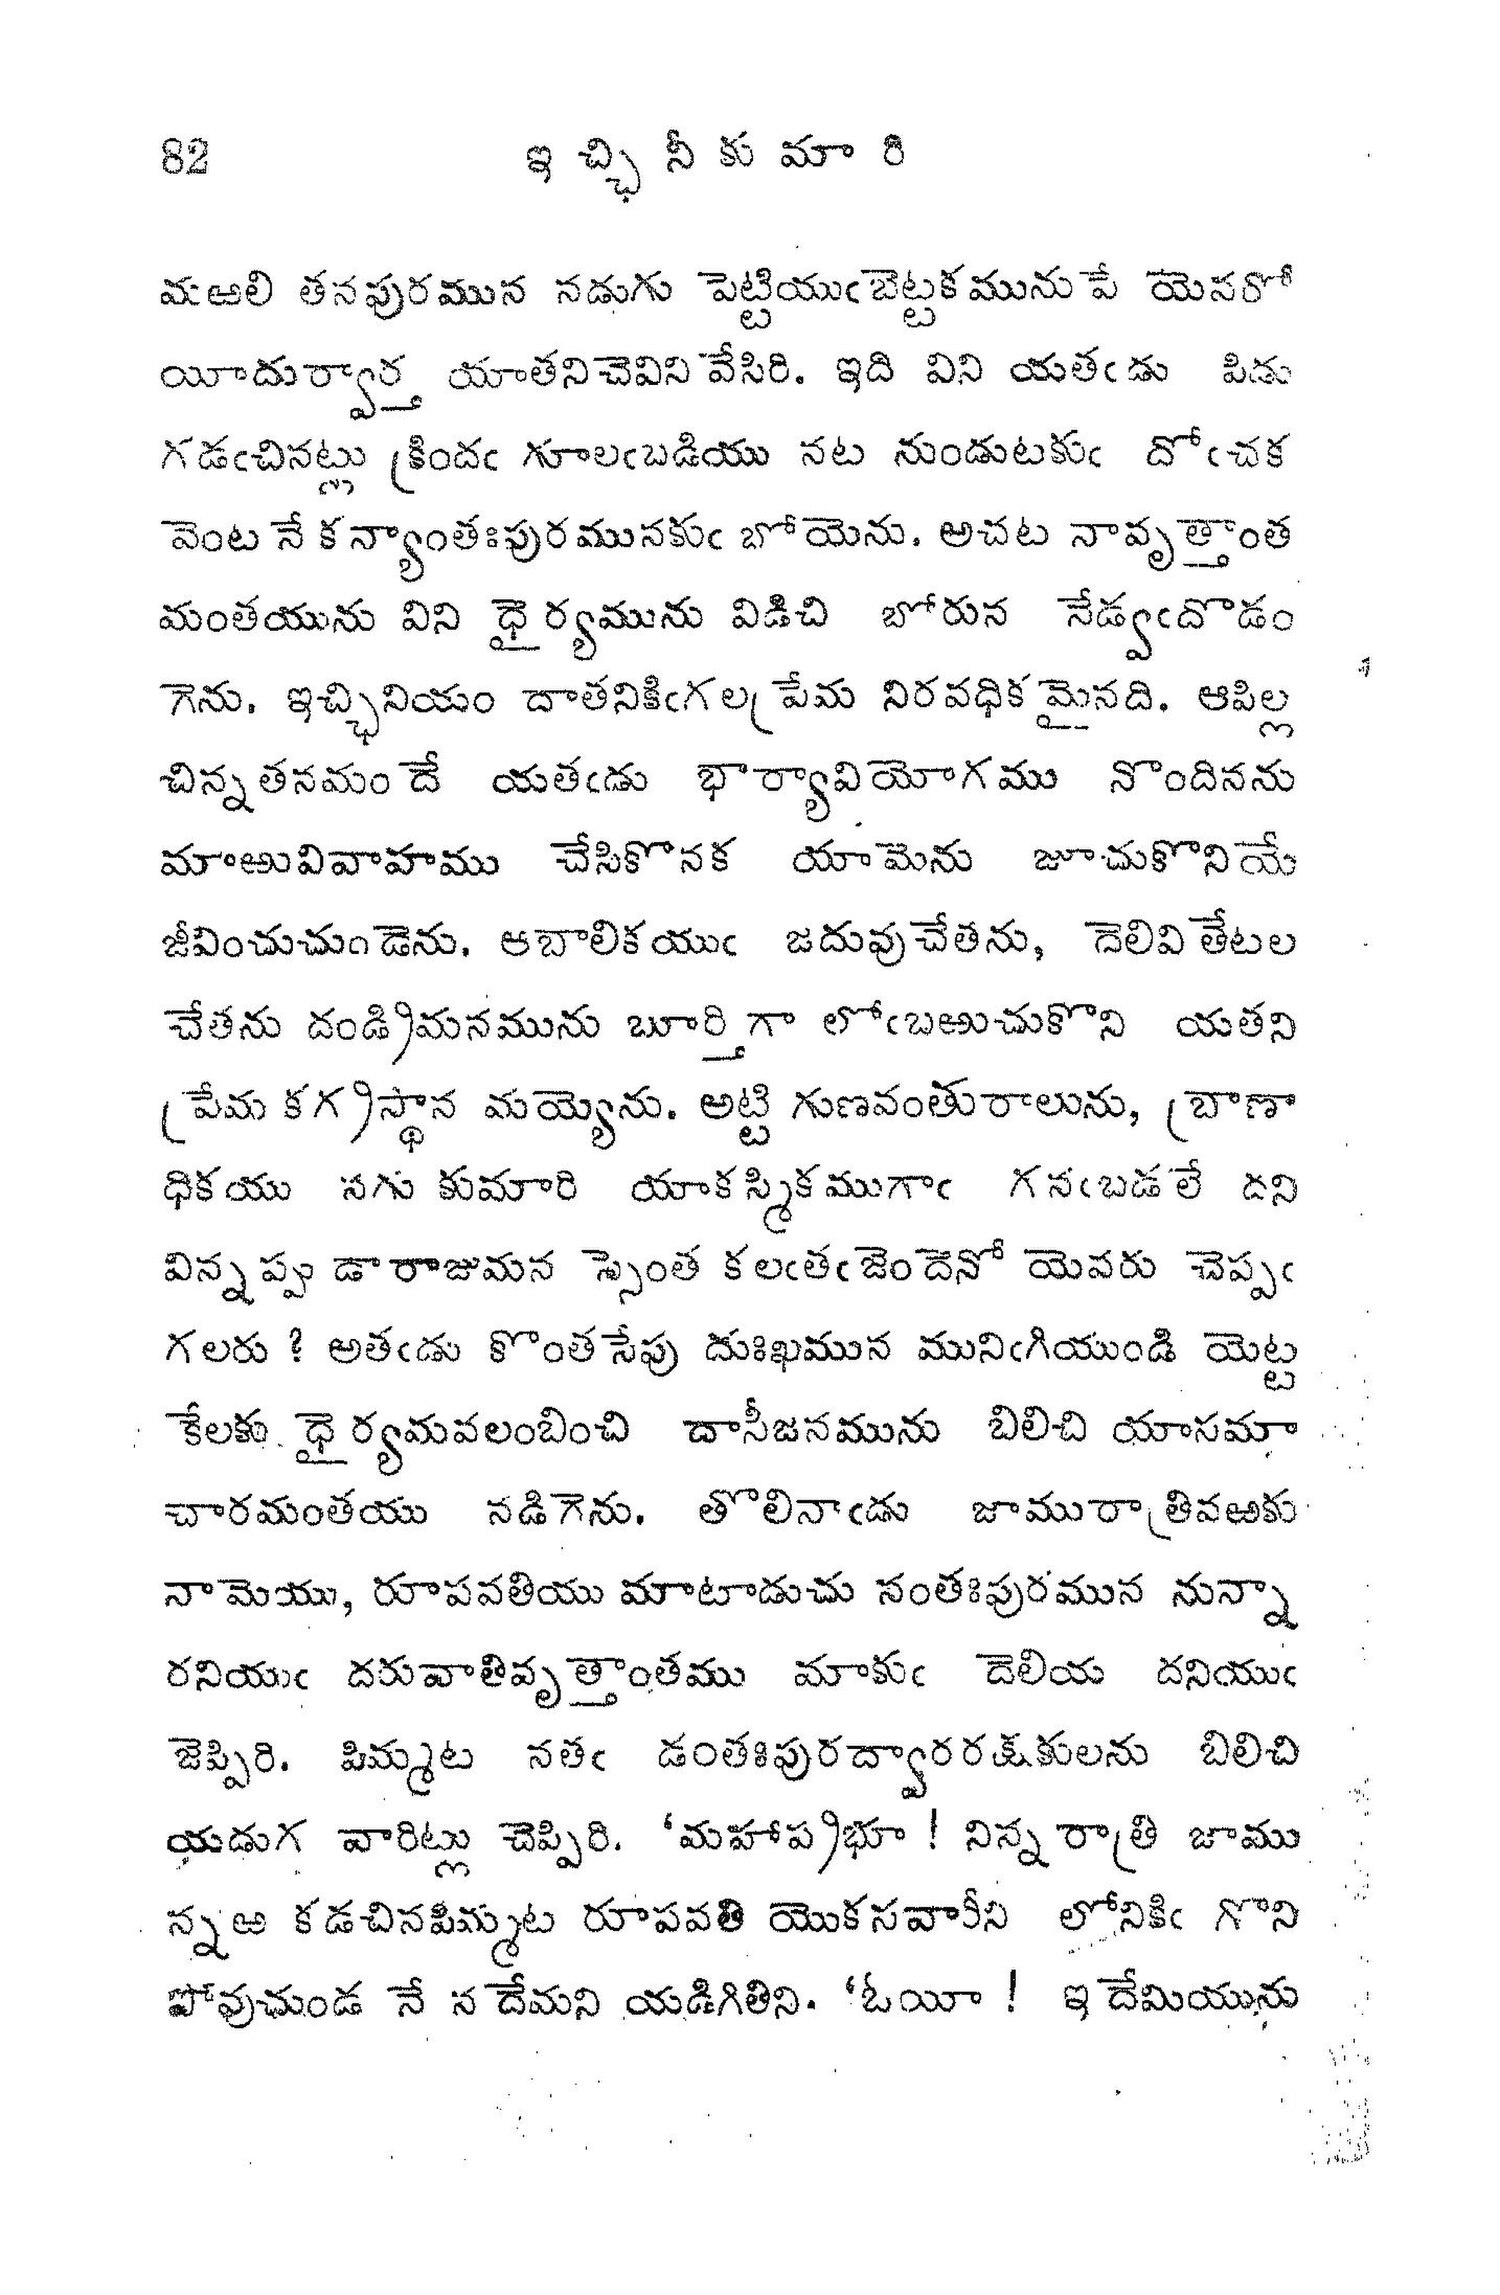మఱలి తనపురమున నడుగు పెట్టియుఁ బెట్టకమునుపే యెవరో దుర్వార్త యాతని చెవిని వేసిరి. ఇది విని యతఁడు పిడు గడఁచినట్లు క్రిందఁ గూలఁబడియు నట నుండుటకుఁ దోఁచక నెంట నే కన్యాంతఃపురమునకుఁ బోయెను. అచట నావృత్తాంత మంతయును విని ధైర్యమును విడిచి బోరున నేడ్వఁదొడం గెను. ఇచ్ఛినియం దాతనికిఁ గల ప్రేమ నిరవధిక మైనది. ఆపిల్ల చిన్న తనమం దే యతఁడు భార్యావియోగము నొందినను మాఱువివాహము చేసికొనక యామెను జూచుకొని యే జీవించుచుండెను. ఆబాలిక యుఁ జదువు చేతను, దెలివి తేటల చేతను దండ్రి మనమును బూర్తిగా లోఁ బఱుచుకొని యతని ప్రేమ కళాస్థాన మయ్యెను. అట్టి గుణవంతురాలును, బ్రాణా ధిక యు సగు కుమారి యాక స్మికము గనఁబడ లేదని విన్నప్పు డా రాజుమన స్సెంత కలఁతఁ జెందెనో యెవరు చెప్పఁ గలరు ? అతఁడు కొంత సేపు దుఃఖమున మునిఁగియుండి యెట్ట కేలకు, ధైర్యమవలంబించి దాసీజనమును బిలిచి యాసమా చారమంతయు నడిగెను. తొలినాఁడు జాము రాత్రివజకు నా మెయు, రూపవతియు మాటాడుచు సంతఃపురమున నున్నా రనియుఁ దరువాతివృత్తాంతము మాకుఁ దెలియ దనియుఁ జెప్పిరి. పిమ్మట నతఁ డంతఃపుర ద్వార రక్షకులను బిలిచి యడుగ వారిట్లు చెప్పిరి. 'మహాప్రభూ ! నిన్న రాత్రి జాము న్నర కడచిన పిమ్మట రూపవతి యొక సవారిని లోనికిఁ గొని పోవుచుండ నే న దేమని యడిగితిని. 'ఓయీ ! ఇదేమియును